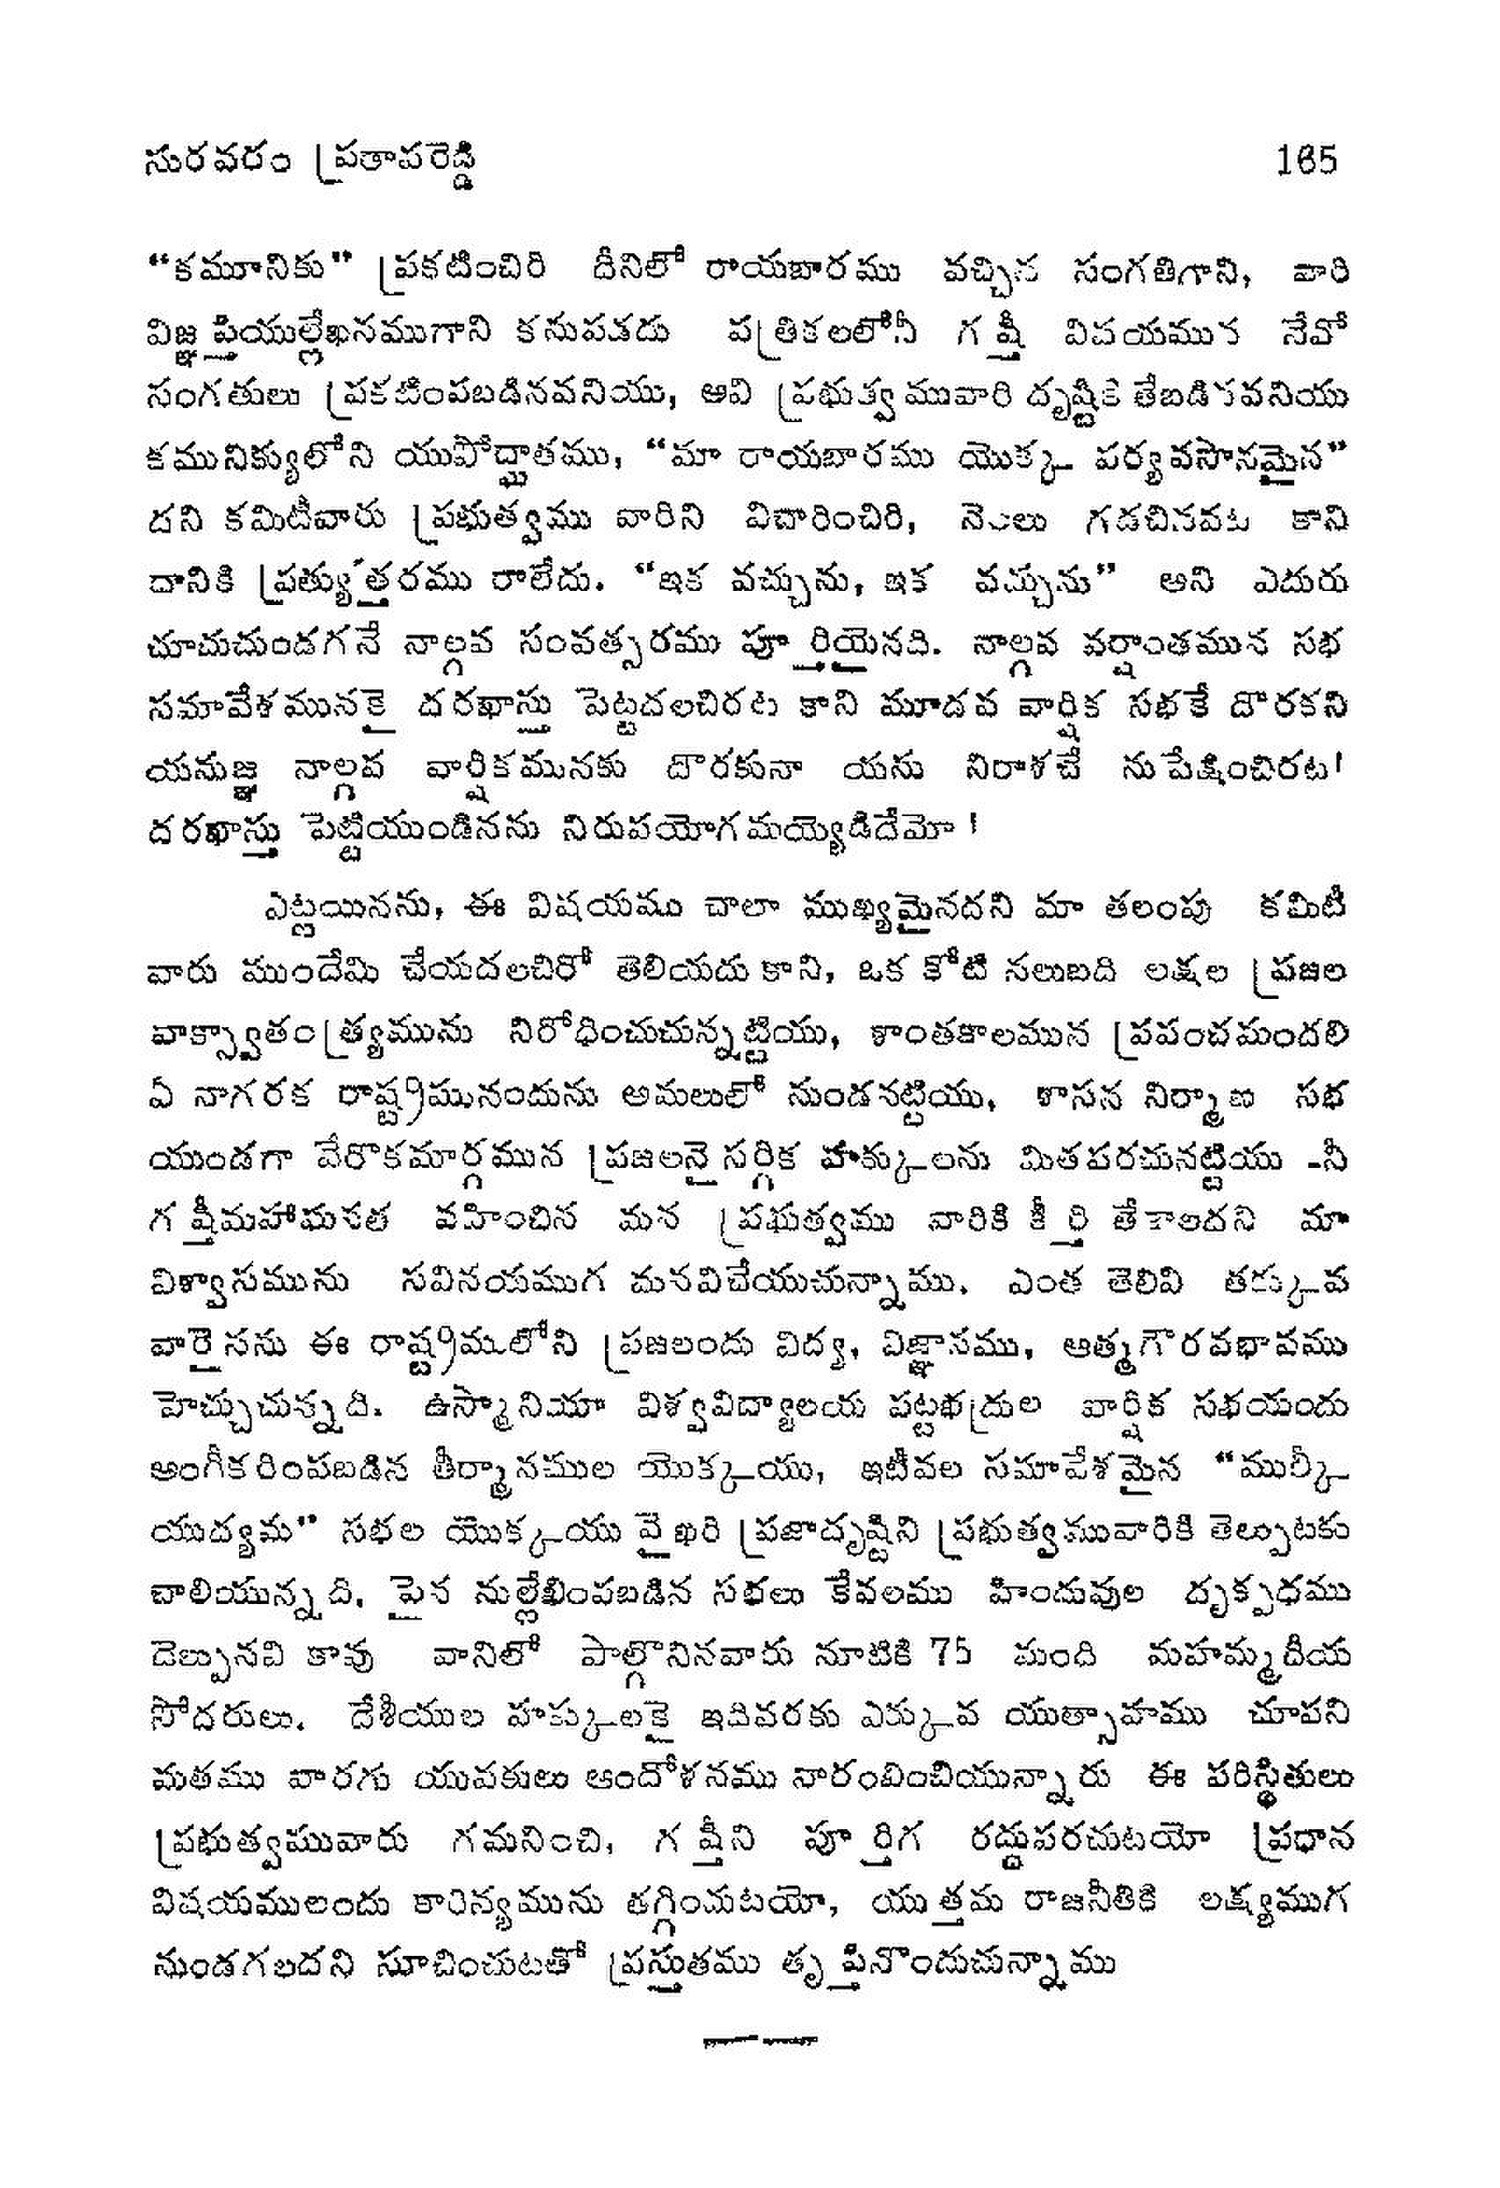“కమూనికు" ప్రకటించిరి దీనిలో రాయబారము వచ్చిన సంగతిగాని, వారి విజ్ఞప్తియుల్లేఖనముగాని కనుపడదు పత్రికలలోనీ గష్తీ విషయమున నేవో సంగతులు ప్రకటింపబడినవనియు, అవి ప్రభుత్వమువారి దృష్టికి తేబడినవనియు కమునిక్యులోని యుపోద్ఘాతము, “మా రాయబారము యొక్క పర్యవసానమైన" దని కమిటీవారు ప్రభుత్వము వారిని విచారించిరి, నెలలు గడచినవట కాని దానికి ప్రత్యుత్తరము రాలేదు. “ఇక వచ్చును, ఇక వచ్చును" అని ఎదురు చూచుచుండగనే నాల్గవ సంవత్సరము పూర్తియైనది. నాల్గవ వర్షాంతమున సభ
సమావేశమునకై దరఖాస్తు పెట్టదలచిరట కాని మూడవ వార్షిక సభకే దొరకని యనుజ్ఞ నాల్గవ వార్షికమునకు దొరకునా యను నిరాశచే నుపేక్షించిరట! దరఖాస్తు పెట్టియుండినను నిరుపయోగమయ్యెడిదేమో !

ఎట్లయినను, ఈ విషయము చాలా ముఖ్యమైనదని మా తలంపు కమిటీవారు ముందేమి చేయదలచిరో తెలియదు కాని, ఒక కోటి నలుబది లక్షల ప్రజల వాక్స్వాతంత్ర్యమును నిరోధించుచున్నట్టియు, శాంతకాలమున ప్రపంచమందలి
ఏ నాగరక రాష్ట్రమునందును అమలులో నుండనట్టియు, శాసన నిర్మాణ సభ యుండగా వేరొకమార్గమున ప్రజలనైసర్గిక హక్కులను మితపరచునట్టియు -నీ గష్తీమహాఘనత వహించిన మన ప్రభుత్వము వారికి కీర్తి తేకాలదని మా విశ్వాసమును సవినయముగ మనవిచేయుచున్నాము. ఎంత తెలివి తక్కువ వారైనను ఈ రాష్ట్రములోని ప్రజలందు విద్య, విజ్ఞానము, ఆత్మగౌరవభావము హెచ్చుచున్నది. ఉస్మానియా విశ్వవిద్యాలయ పట్టభద్రుల వార్షిక సభయందు అంగీకరింపబడిన తీర్మానముల యొక్కయు, ఇటీవల సమావేశమైన “ముల్కీ యుద్యమ" సభల యొక్కయు వైఖరి ప్రజాదృష్టిని ప్రభుత్వమువారికి తెల్పుటకు చాలియున్నది, పైన నుల్లేఖింపబడిన సభలు కేవలము హిందువుల దృక్పధము దెల్పునవి కావు వానిలో పాల్గొనినవారు నూటికి 75 మంది మహమ్మదీయ
సోదరులు. దేశీయుల హక్కులకై ఇదివరకు ఎక్కువ యుత్సాహము చూపని మతము వారగు యువకులు ఆందోళనము నారంబించియున్నారు ఈ పరిస్థితులు ప్రభుత్వమువారు గమనించి, గష్తీని పూర్తిగా రద్దుపరచుటయో ప్రధాన విషయములందు కాఠిన్యమును తగ్గించుటయో, యుత్తమ రాజనీతికి లక్ష్యముగ నుండగలదని సూచించుటతో ప్రస్తుతము తృప్తినొందుచున్నాము